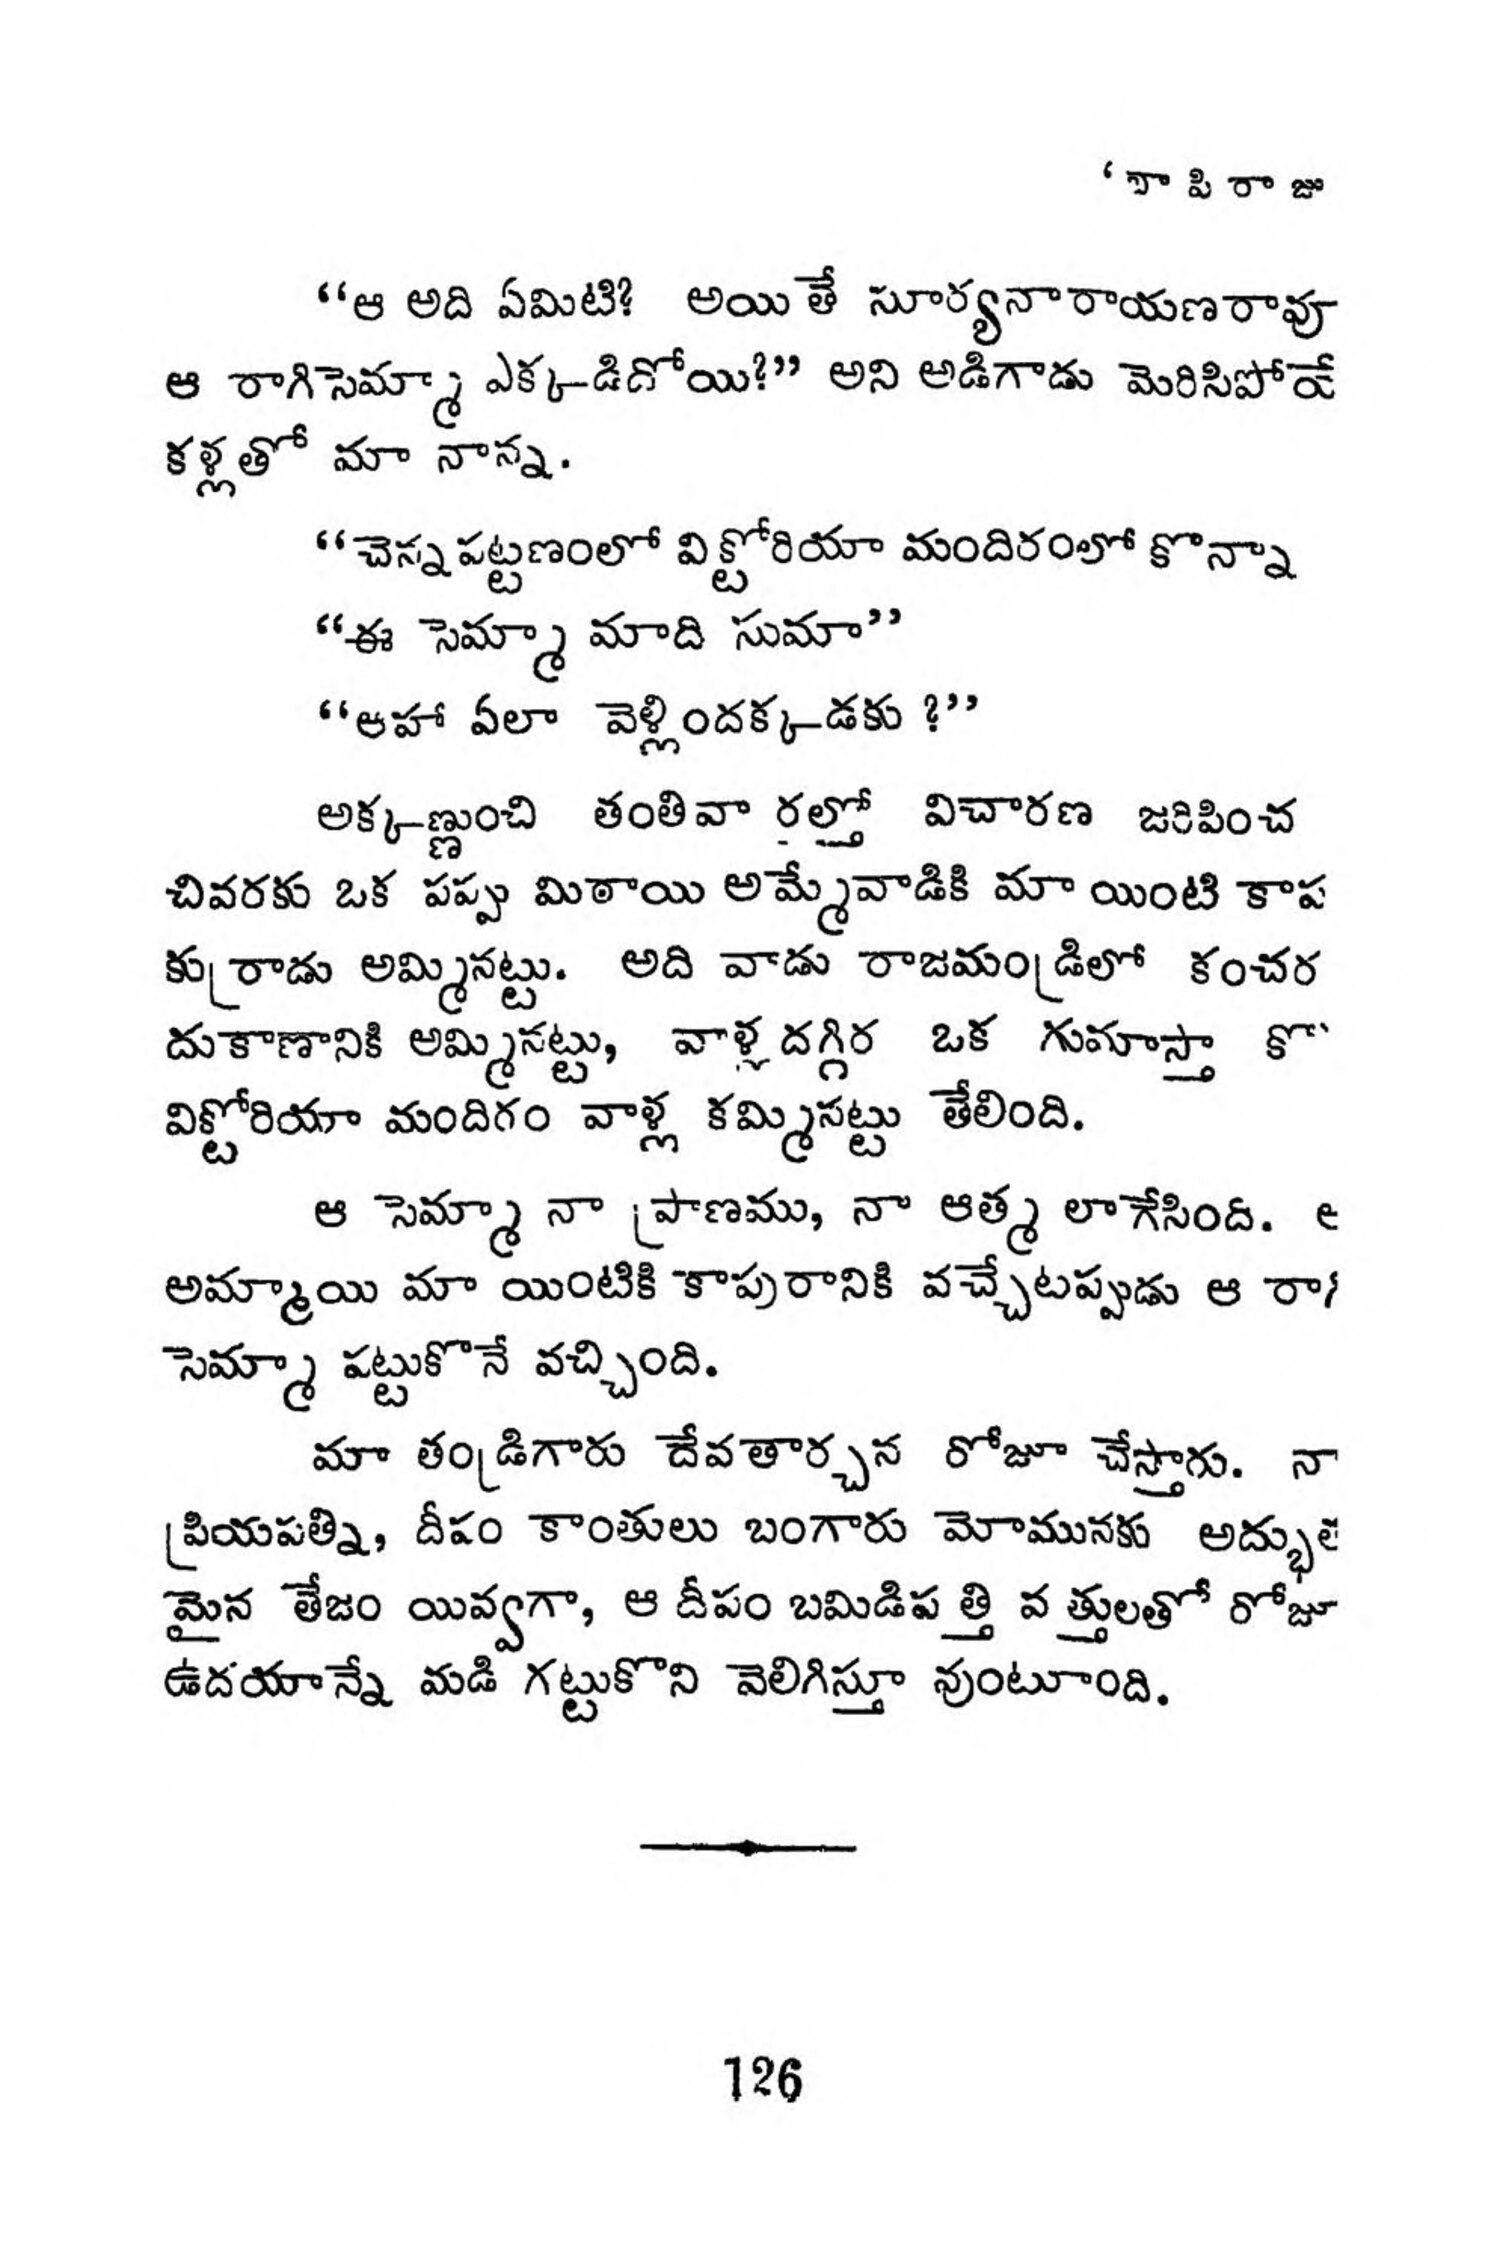"ఆ అది ఏమిటి? అయితే సూర్యనారాయణరావు- ఆ రాగిసెమ్మా ఎక్కడిదోయి?" అని అడిగాడు మెరిసిపోయే కళ్లతో మా నాన్న.

"చెన్నపట్టణంలో విక్టోరియా మందిరంలో కొన్నాను"

"ఈ సెమ్మా మాది సుమా"

"ఆహా ఏలా వెళ్లిందక్కడకు?"

అక్కణ్ణుంచి తంతివార్తల్తో విచారణ జరిపించ చివరకు ఒక పప్పు మిఠాయి అమ్మేవాడికి మా యింటి కాపలా కుర్రాడు అమ్మినట్టు. అది వాడు రాజమండ్రిలో కంచర దుకాణానికి అమ్మినట్టు, వాళ్ల దగ్గర ఒక గుమాస్తా కొని విక్టోరియా మందిరం వాళ్ల కమ్మినట్టు తేలింది.

ఆ సెమ్మా నా ప్రాణము, నా ఆత్మ లాగేసింది. ఆ అమ్మాయి మా యింటికి కాపురానికి వచ్చేటప్పుడు ఆ రాగి సెమ్మా పట్టుకొనే వచ్చింది.

మా తండ్రిగారు దేవతార్చన రోజూ చేస్తారు. నా ప్రియపత్ని, దీపం కాంతులు బంగారు మోమునకు అద్భుతమైన తేజం యివ్వగా, ఆ దీపం బమిడిపత్తి వత్తులతో రోజూ ఉదయాన్నే మడి గట్టుకొని వెలిగిస్తూ వుంటూంది.